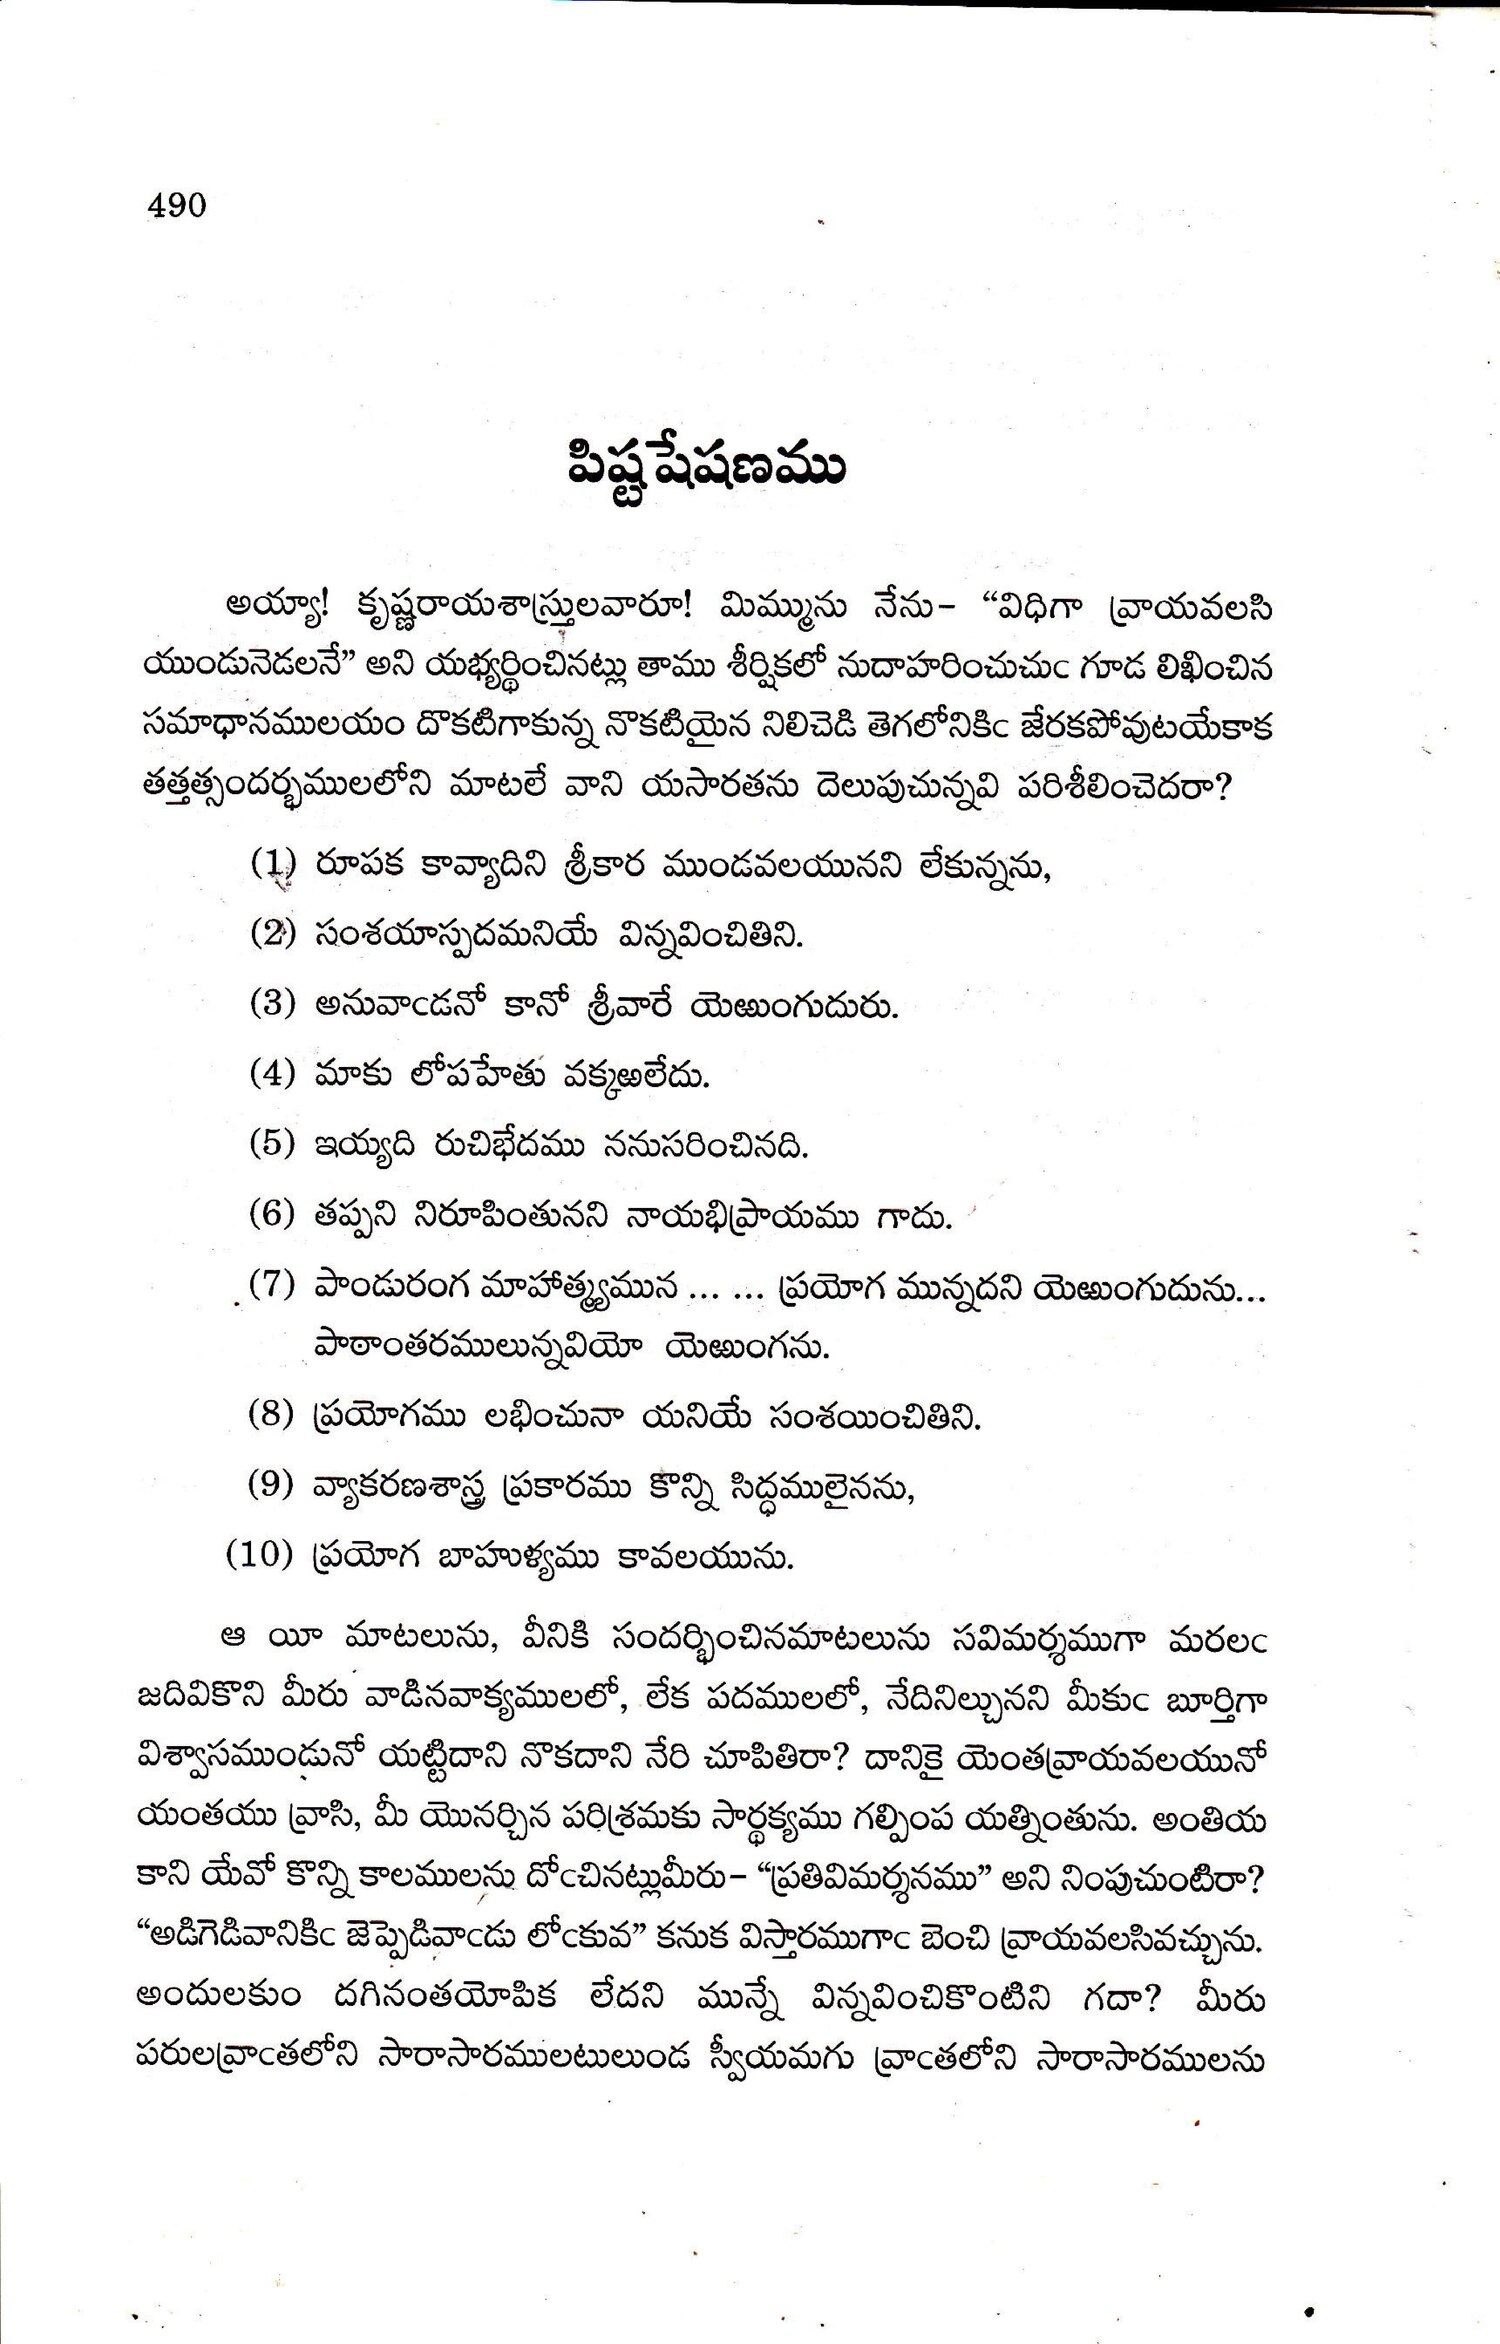పిష్టషేషణము

అయ్యా! కృష్ణరాయశాస్త్రులవారూ! మిమ్మును నేను- “విధిగా వ్రాయవలసి యుండునెడలనే" అని యభ్యర్థించినట్లు తాము శీర్షికలో నుదాహరించుచుఁ గూడ లిఖించిన సమాధానములయం దొకటిగాకున్న నొకటియైన నిలిచెడి తెగలోనికిఁ జేరకపోవుటయేకాక తత్తత్సందర్భములలోని మాటలే వాని యసారతను దెలుపుచున్నవి పరిశీలించెదరా?

(1) రూపక కావ్యాదిని శ్రీకార ముండవలయునని లేకున్నను, 

(2) సంశయాస్పదమనియే విన్నవించితిని.

(3) అనువాcడనో కానో శ్రీవారే యెఱుంగుదురు. 

(4) మాకు లోపహేతు వక్కఱలేదు. 

(5) ఇయ్యది రుచిభేదము ననుసరించినది. 

(6) తప్పని నిరూపింతునని నాయభిప్రాయము గాదు.

(7) పాండురంగ మాహాత్మ్యమున ... ... ప్రయోగ మున్నదని యెఱుంగుదును. పాఠాంతరములున్నవియో యెఱుంగను.

(8) ప్రయోగము లభించునా యనియే సంశయించితిని. 

(9) వ్యాకరణశాస్త్ర ప్రకారము కొన్ని సిద్ధములైనను, 

(10) ప్రయోగ బాహుళ్యము కావలయును.

ఆ యీ మాటలును, వీనికి సందర్భించినమాటలును సవిమర్శముగా మరలఁ జదివికొని మీరు వాడినవాక్యములలో, లేక పదములలో, నేదినిల్చునని మీకుఁ బూర్తిగా విశ్వాసముండునో యట్టిదాని నొకదాని నేరి చూపితిరా? దానికై యెంతవ్రాయవలయునో యంతయు వ్రాసి, మీ యొనర్చిన పరిశ్రమకు సార్థక్యము గల్పింప యత్నింతును. అంతియ కాని యేవో కొన్ని కాలములను దోఁచినట్లుమీరు-"ప్రతివిమర్శనము" అని నింపుచుంటిరా? “అడిగెడివానికిఁ జెప్పెడివాఁడు లోఁకువ కనుక విస్తారముగాఁ బెంచి వ్రాయవలసివచ్చును. అందులకుం దగినంతయోపిక లేదని మున్నే విన్నవించికొంటిని గదా? మీరు పరులవ్రాఁతలోని సారాసారములటులుండ స్వీయమగు వ్రాఁతలోని సారాసారములను